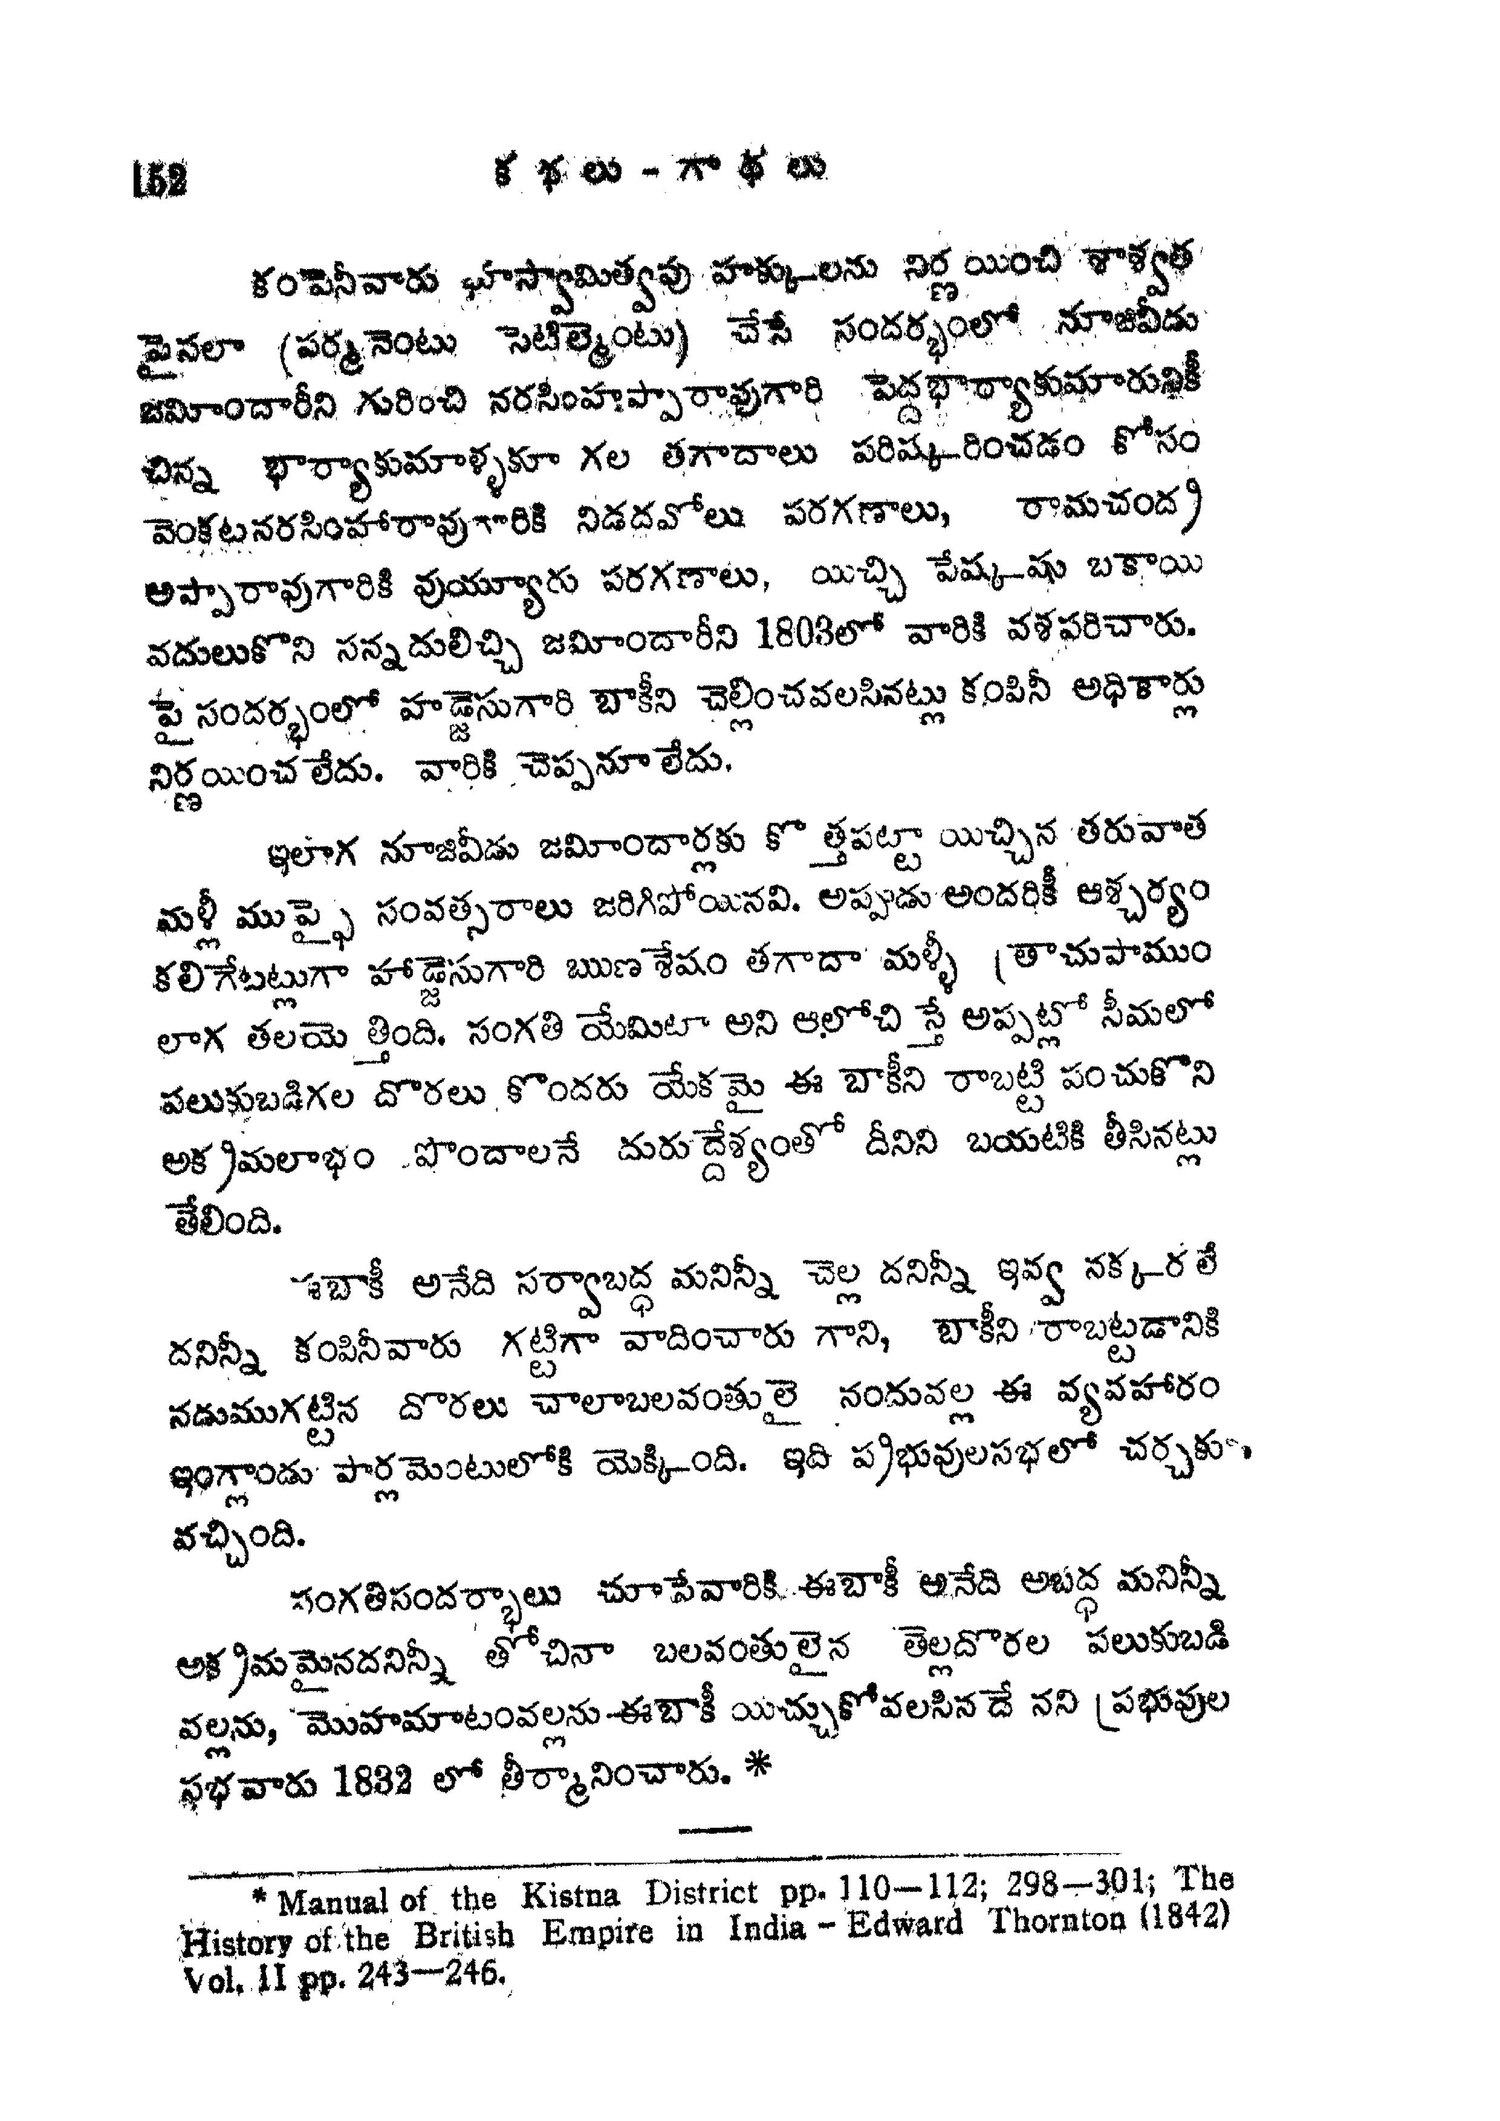కంపెనీవారు భూస్వామిత్వపు హక్కులను నిర్ణయించి శాశ్వత పైసలా (పర్మనెంటు సెటిల్మెంటు) చేసే సందర్భంలో నూజివీడు జమీందారీని గురించి నరసింహప్పారావుగారి పెద్దభార్యాకుమారునికీ చిన్న 
భార్యాకుమాళ్ళకూ గల తగాదాలు పరిష్కరించడం కోసం వెంకటనరసింహారావుగారికి నిడదవోలు పరగణాలు, రామచంద్ర అప్పారావుగారికి వుయ్యూరు పరగణాలు యిచ్చి పేష్కషు బకాయి వదులుకొని సన్నదులిచ్చి జమీందారీని 1803 లో వారికి వశపరిచారు. పైసందర్భంలో హెడ్జెసుగారి బాకీని చెల్లించవలసినట్లు కంపెనీ అధికార్లు నిర్ణయించలేదు. వారికి చెప్పనూలేదు.

ఇలాగ నూజివీడు జమీందార్లకు కొత్తపట్టా యిచ్చిన తరువాత మళ్లీ ముప్ఫై సంవత్సరాలు జరిగిపోయినవి. అప్పుడు అందరికీ ఆశ్చర్యం కలిగేటట్లుగా హాడ్జెసుగారి ఋణశేషం తగాదా మళ్ళీ త్రాచుపాము లాగ తలయెత్తింది. సంగతి యేమిటా అని ఆలోచిస్తే అప్పట్లో సీమలో పలుకుబడిగల దొరలు కొందరు యేకమై ఈ బాకీని రాబట్టి పంచుకొని అక్రమలాభం పొందాలనే దురుద్దేశ్యంతో దీనిని బయటికి తీసినట్లు తేలింది.

ఈబాకీ అనేది సర్వాబద్ధ మనిన్నీ చెల్ల దనిన్నీ ఇవ్వ నక్కరలేదనిన్నీ కంపెనీవారు గట్టిగా వాదించారు గాని, బాకీని రాబట్టడానికి నడుముకట్టిన దొరలు చాలాబలవంతులై నందువల్ల ఈ వ్యవహారం ఇంగ్లాండు పార్లమెంటులోకి యెక్కింది. ఇది ప్రభువులసభలో చర్చకు వచ్చింది.

సంగతిసందర్భాలు చూసేవారికి ఈబాకీ అనేది అబద్ద మనిన్నీ అక్రమమైనదనిన్నీ తోచినా బలవంతులైన తెల్లదొరల పలుకుబడి వల్లను మొహమాటంవల్లను ఈబాకీ యిచ్చుకోవలసినదే నని ప్రభువుల సభవారు 1832 లో తీర్మానించారు.